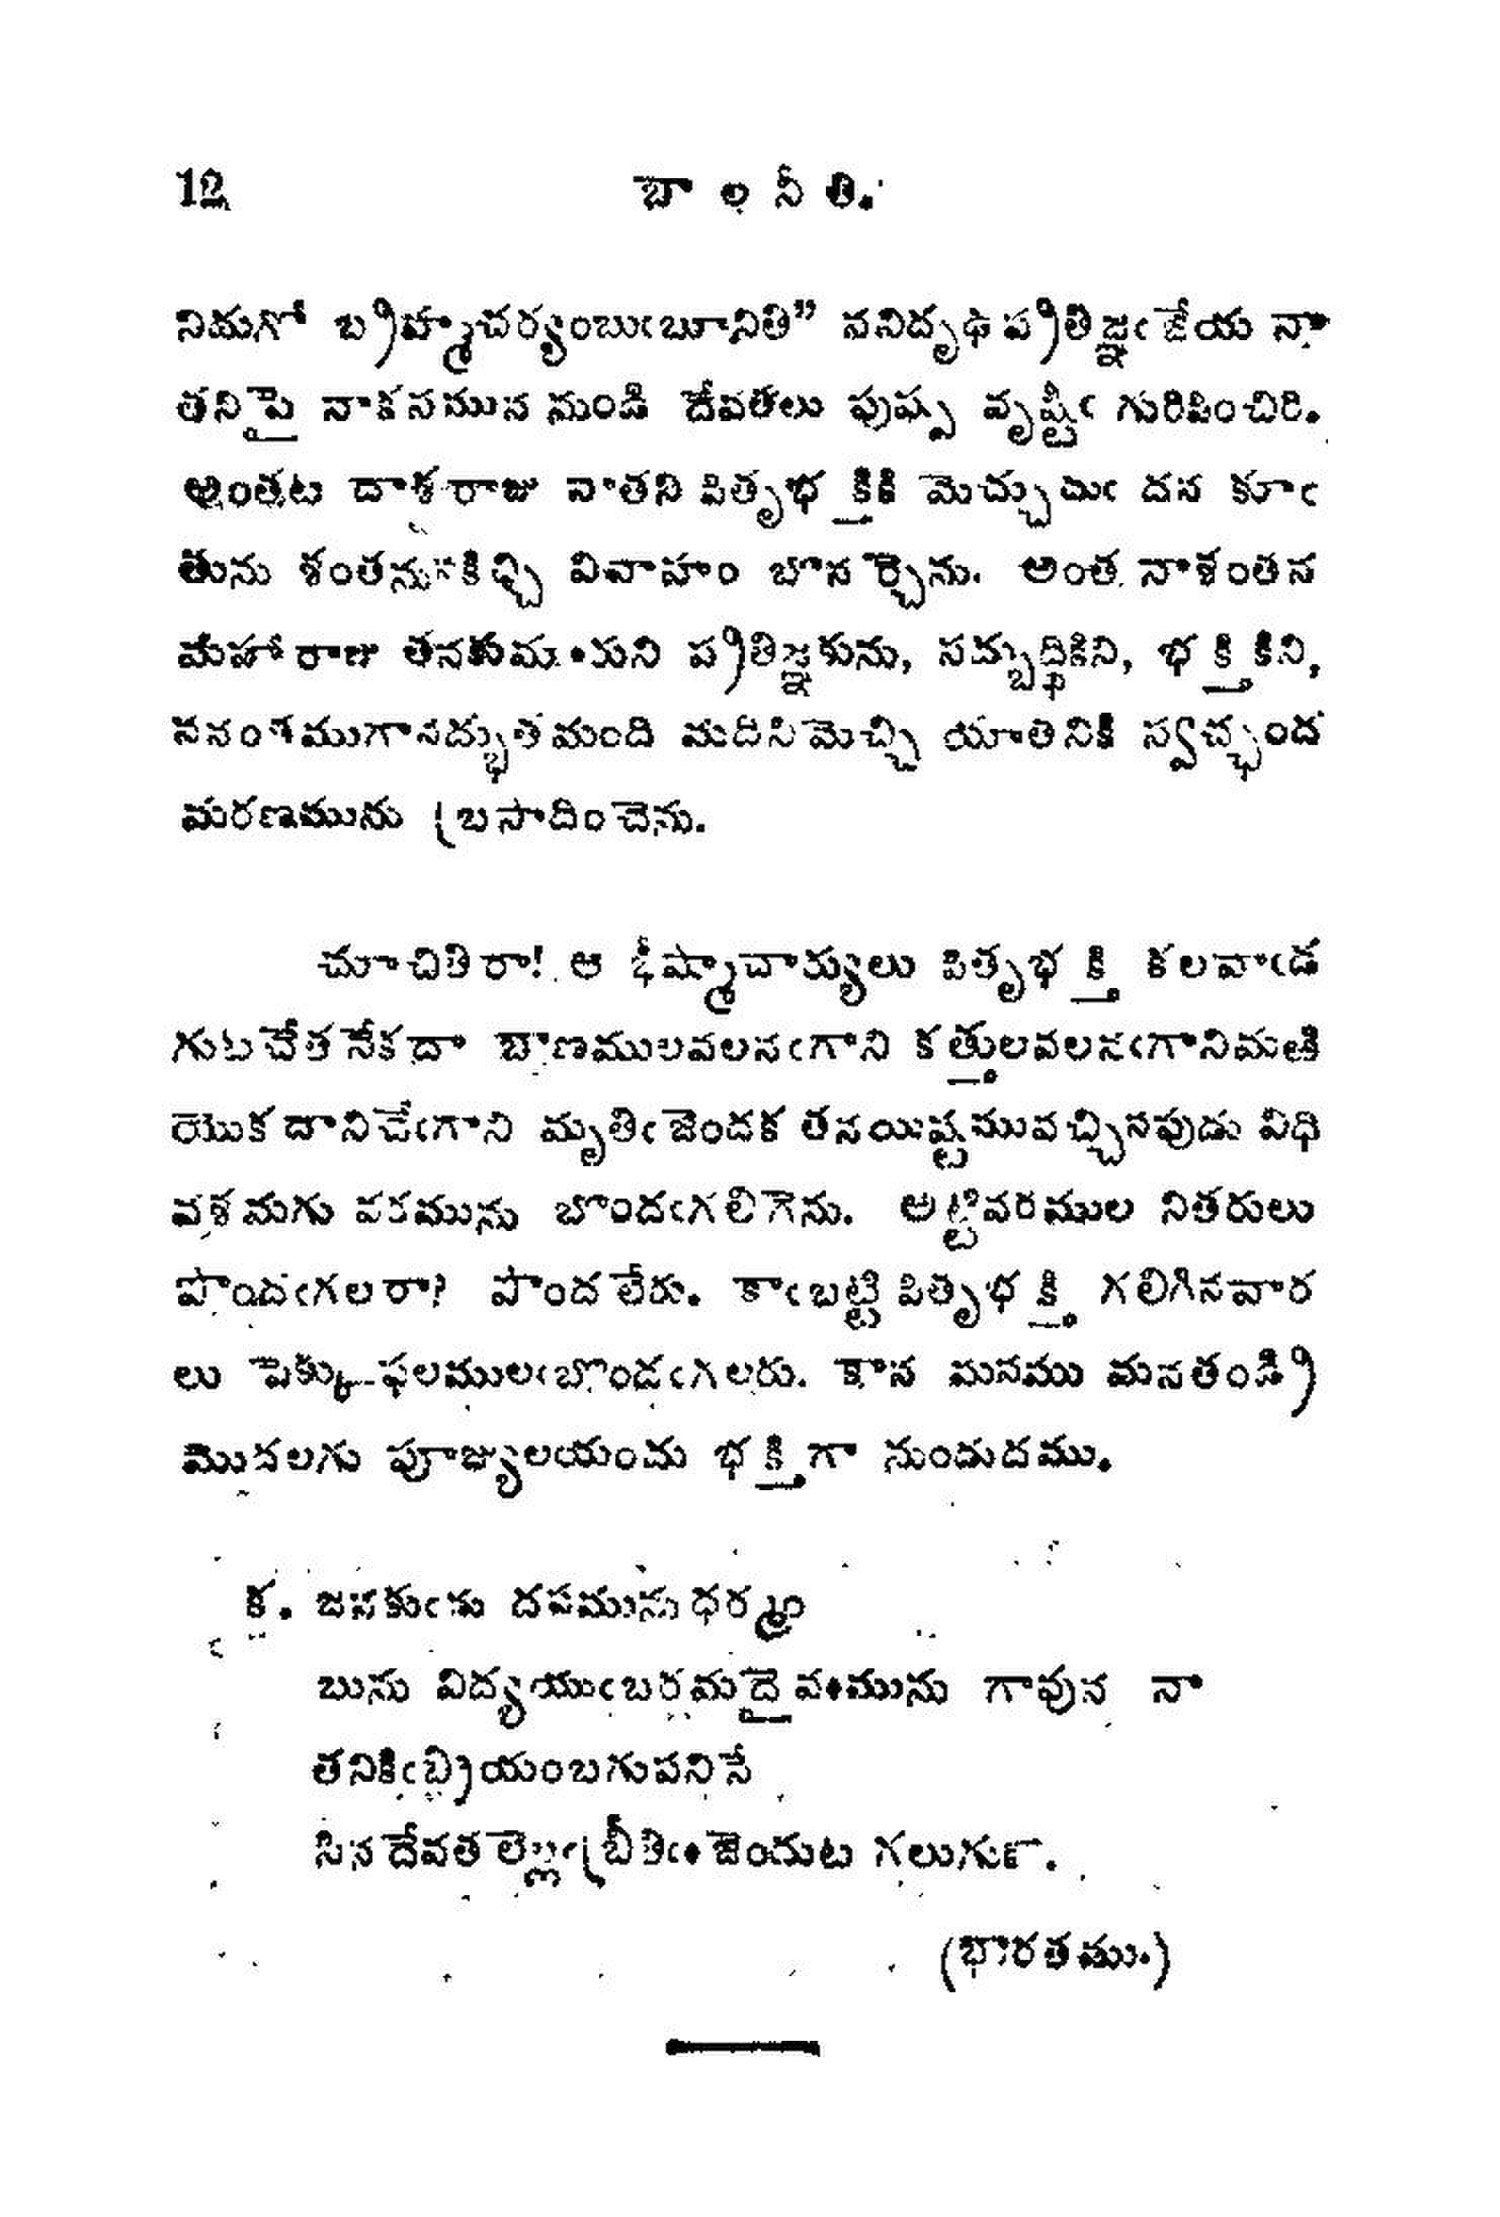నిదుగో బ్రహ్మచర్యంబుఁబూనితి" ననిదృఢప్రతిజ్ఞఁజేయ నా
తనిపై నాకసమున నుండి దేవతలు పుష్ప వృష్టిఁ గురిపించిరి. 
అంతట దాశరాజు నాతని పితృభక్తికి మెచ్చుచుఁ దన కూఁ
తును శంతనునకిచ్చి వివాహం బొనర్చెను. అంత నాశంతన
మహారాజు తనకుమారుని ప్రతిజ్ఞకును, సద్బుద్ధికిని, భక్తికిని, 
ననంతముగా నద్భుతమంది మదినిమెచ్చి యాతనికి స్వచ్ఛంద 
మరణమును బ్రసాదించెను.

చూచితిరా! ఆ భీష్మాచార్యులు పితృభక్తి కలవాఁడ
గుటచేతనేకదా బాణములవలనఁగాని కత్తులవలనఁగానిమఱి
యొక దానిచేఁగాని మృతిఁజెందక తనయిష్టమువచ్చినప్పుడు విధి
వశమగు వరమును బొందఁగలిగెను. అట్టివరముల నితరులు 
పొందఁగలరా? పొంద లేరు. కాఁబట్టి పితృభక్తి గలిగినవార
లు పెక్కు ఫలములఁబొందఁగలరు. కాన మనము మనతండ్రి 
మొదలగు పూజ్యులయందు భక్తిగా నుండుదము.

క. జనకుఁడు దపమును ధర్మం
 బును విద్యయుఁబరమదైవ♦మును గావున నా
 తనికిఁబ్రియంబగుపనిసే
 సినదేవతలెల్లఁబ్రీతిఁ♦జెందుట గలుగున్
 (భారతము.)